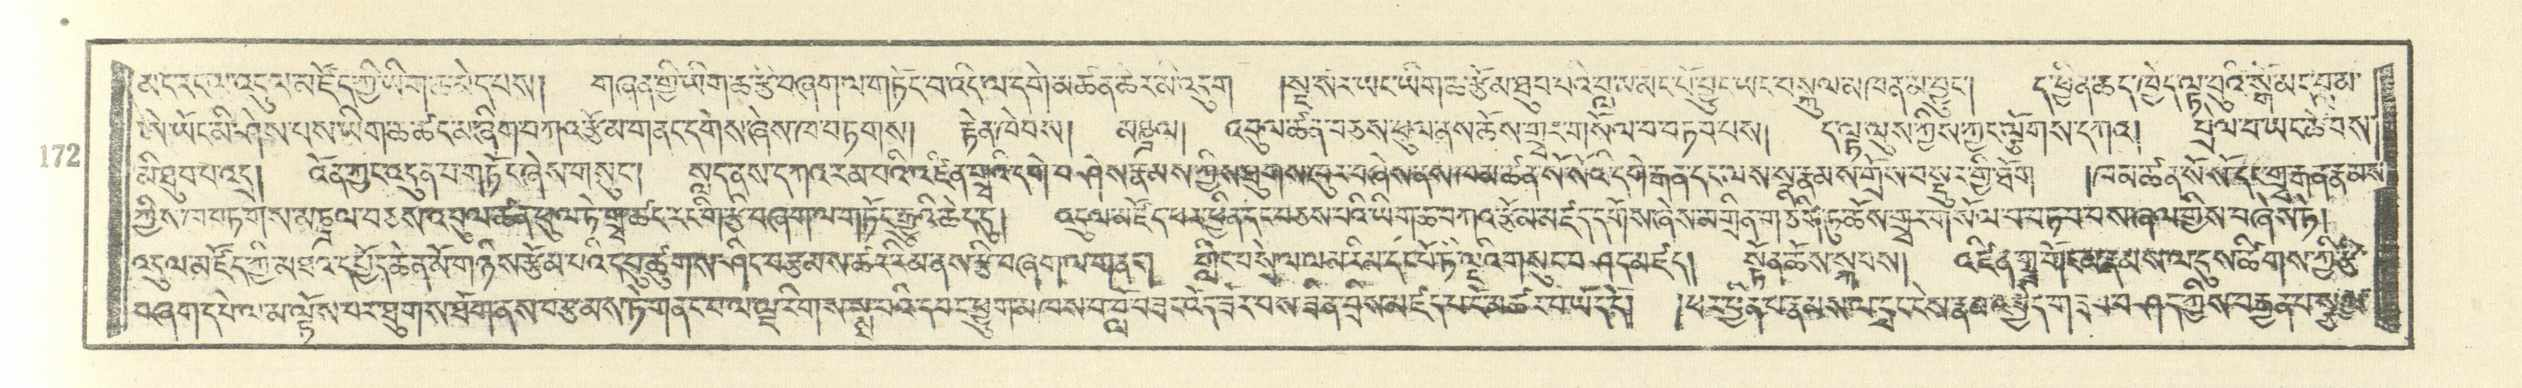མང་རང་ལ་འདུལ་མཛོད་ཀྱི་ཡིག་ཆ་མེད་པས། གཞན་གྱི་ཡིག་ཆ་རྩི་བཞག་ལ་གཏོང་བ་འདི་ལ་དགེ་མཚན་ཆེར་མི་འདུག །སྔ་སོར་ཡང་ཡིག་ཆ་རྩོམ་ཐུབ་པའི་བླ་མ་མང་པོ་བྱུང་ཡང་བསྐུལ་མཁན་མ་བྱུང་། ད་ཕྱིན་ཆད་ཁྱེད་ལྟ་བུའི་སྒོ་མང་བླ་མ་
ཨེ་ཡོང་མི་ཤེས་པས་ཡིག་ཆ་ཚང་མ་ཞིག་བཀའ་རྩོམ་གནང་དགོས་ཞེས་ཁ་བཏགས། རྟེན་ཁེབས། མཎྜལ། འབུལ་ཚན་བཅས་ཕུལ་ནས་ཆོས་གྲྭར་གསོལ་བ་བཏབ་པས། ད་ལྟ་ལུས་ཀྱིས་ཀྱང་ལྕོགས་དཀའ། བྲེལ་བ་ཡང་ཆེ་བས་
མི་ཐུབ་པ་འདྲ། འོན་ཀྱང་འདུན་པ་གཏོང་ཞེས་གསུང་། སླད་ནས་དགའ་རམ་པའི་འཛིན་གྲྭའི་དགེ་བཤེས་རྣམས་ཀྱིས་ཐུགས་ཁུར་བཞེས་ནས་ཁམ་ཚན་སོ་སོའི་དགེ་རྒན་དང་ལས་སྣ་རྣམས་གྲོས་བསྡུར་གྱི་ཐོག །ཁམ་ཚན་སོ་སོ་དང་གྲྭ་རྒན་རྣམས་
ཀྱིས་ཁ་བཏགས་མཎྜལ་བཅས་འབུལ་ཚན་ཕུལ་ཏེ་གྲྭ་ཚང་རང་གི་རྩ་བཞག་ལ་གཏོང་རྒྱུའི་ཆེད་དུ། འདུལ་མཛོད་ཕར་ཕྱིན་དང་བཅས་པའི་ཡིག་ཆ་བཀའ་རྩོམ་མཛད་དགོས་ཞེས་མགྲིན་གཅིག་ཏུ་ཆོས་གྲྭར་གསོལ་བ་བཏབ་པས་ཞལ་གྱིས་བཞེས་ཏེ།
འདུལ་མཛོད་ཀྱི་མཐའ་དཔྱོད་ཆེན་མོ་གཉིས་རྩོམ་པའི་དབུ་ཚུགས་ཤིང་བརྩམས་ཚར་རིམ་ནས་རྩི་བཞག་ལ་གནང་། གླིང་བ་སྲེ་ལ་ལམ་རིམ་དང་པོ་ཏི་ལྔའི་གསུང་བཤད་མཛད། སྟོན་ཆོས་སྐབས། འཛིན་གྲྭ་གོང་མ་རྣམས་ལ་དུས་ཚིགས་ཀྱི་རྩི་
བཞག་དཔེ་ལ་མ་ལྟོས་པར་ཐུགས་ཐོག་ནས་བརྩམས་ཏེ་གནང་བ་ལ་ལྔ་རིགས་སྨྲ་བའི་དབང་ཕྱུག་མཁས་པ་བློ་བཟང་འོད་ཟེར་བས་གཟིན་བྲིས་མཛད་པ་ངོ་མཚར་བ་ཡོད་དོ། །ཕར་ཕྱིན་པ་རྣམས་ལ་དྲང་ངེས་རྣམ་འབྱེད་གཟབ་བཤད་ཀྱིས་བརྒྱན་པ་སྩལ་